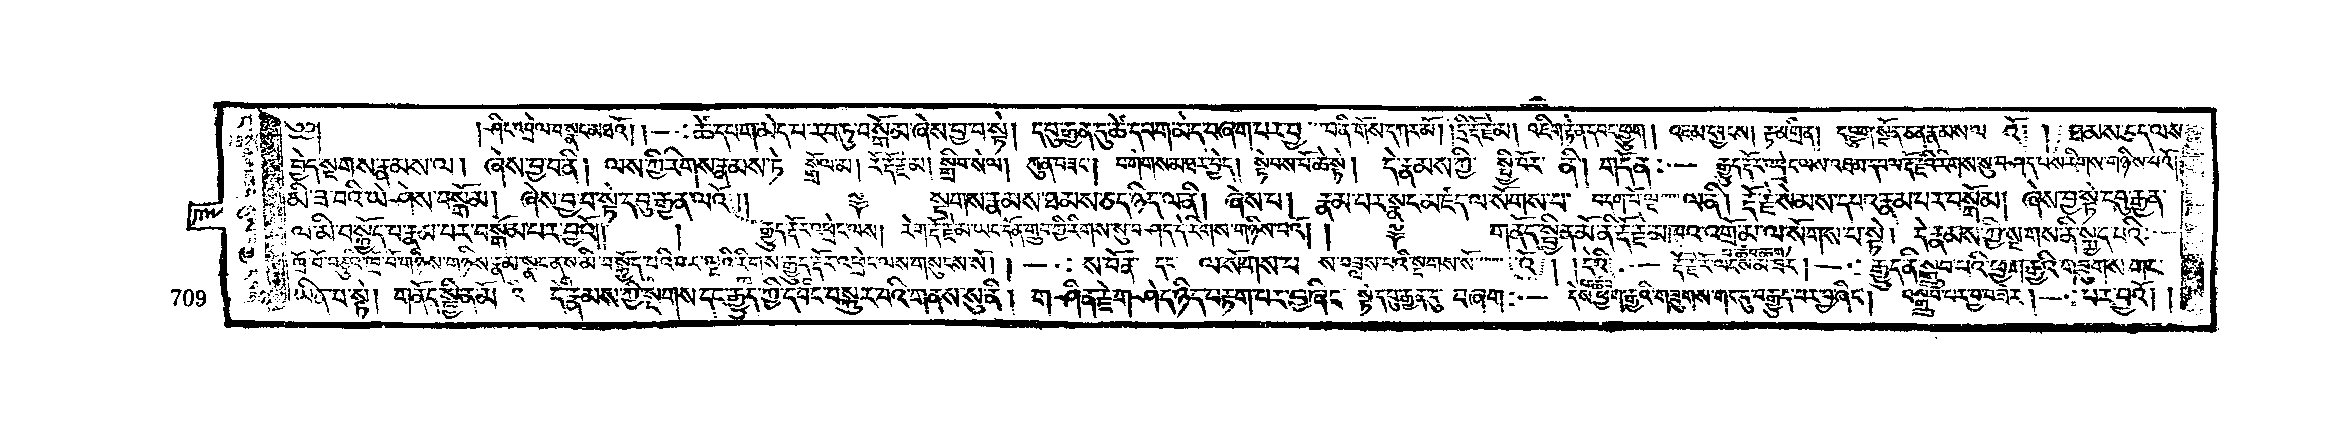༄༅། །ཤིང་འབྲེལ་བ་སྣང་མཐའོ། །.H ཚེ་དཔག་མེད་པ་རབ་ཏུ་བསྒོམ་ཞེས་བྱ་བ་སྟེ། དབུ་རྒྱན་དུ་ཚེ་དཔག་མེད་བཞག་པར་བྱ་བ་ནི་གོས་དཀར་མོ། །དྲི་རྡོ་རྗེ་མ། འཇིག་རྟེན་དབང་ཕྱུག། འཇམ་དབྱངས། རྟ་མགྲིན། དབྱུག་སྔོན་ཅན་རྣམས་ལ་འོ། །ཐམས་ཅད་ལས་
བྱེད་སྔགས་རྣམས་ལ། ཞེས་བྱ་བ་ནི། ལས་ཀྱི་རིགས་རྣམས་ཏེ་སྒྲོལ་མ། རོ་རྡོ་རྗེ་མ། སྒྲིབ་སེལ། ཀུན་བཟང་། བགེགས་མཐར་བྱེད། སྟོབས་པོ་ཆེ་སྟེ།  དེ་རྣམས་ཀྱི་སྤྱི་བོར་ནི། གདོན་རྒྱུད་རྡོར་འཕྲེང་ལས་འཇམ་དཔལ་རྡོ་རྗེའི་རིགས་སུ་བཤད་པས་རིགས་གཉིས་པའོ།།
མི་ཟ་བའི་ཡེ་ཤེས་བསྒོམ། ཞེས་བྱ་བ་སྟེ་དབུ་རྒྱན་ལའོ།། ༈ སྔགས་རྣམས་ཐམས་ཅད་ཉིད་ལ་ནི། ཞེས་པ། རྣམ་པར་སྣང་མཛད་ལ་སོགས་པ་བདག་པོ་ལྔ་ལ་ནི། རྡོ་རྗེ་སེམས་དཔའ་རྣམ་པར་བསྒོམ། ཞེས་བྱ་སྟེ་དབུ་རྒྱན་
ལ་མི་བསྐྱོད་པ་རྣམ་པར་བསྒོམ་པར་བྱའོ། ། རྒྱུད་རྡོར་འཕྲེང་ལས། རེག་རྡོ་རྗེ་མ་ཡང་དོན་གྲུབ་ཀྱི་རིགས་སུ་བཤད་དེ་རིགས་གཉིས་པའོ། ། ༈ གནོད་སྦྱིན་མོ་ནི་རྡོ་རྗེ་མཁའ་འགྲོ་མ་ལ་སོགས་པ་སྟེ། དེ་རྣམས་ཀྱི་སྔགས་ནི་སྐྱེད་པའི་H.
ཁྲོ་བོ་བཅུའི་ཁྲོ་བོ་གཉིས་གཉིས་རྣམ་སྣང་ནས་མི་བསྐྱོད་པའི་བར་ལྔའི་རིགས་རྒྱུད་རྡོར་འཕྲེང་ལས་གསུངས་སོ། །.H ས་བོན་དང་ལ་སོགས་པས་བཟླས་པའི་སྔགས་སོ་འོ། །དེའི་H.་རྡོ་རྗེ་རོ་པ་ཚབ་ཆག་ལངས་མ་ཟེར། .H རྒྱུད་ནི་སྒྲུབ་པའི་ཕྱག་རྒྱའི་གཟུགས་གང་
ཡིན་པ་སྟེ། གནོད་སྦྱིན་མོའི་དེ་ག་རྣམས་ཀྱི་སྔགས་དང་རྒྱུད་ཀྱི་དབང་བསྐུར་བའི་གནས་སུ་ནི། གཤིན་རྗེ་གཤེད་ཉིད་བརྟག་པར་བྱ་ཞིང་སྟེ་དབུ་རྒྱན་དུ་བཞག་H.་དེས་པ་ཚབ་ཕྱག་རྒྱའི་གཟུགས་གང་དུ་བརྒྱད་པར་བྱ་ཞིང་། བསྒྲུབ་པར་བྱ་བ་ཟེར། .H པར་བྱའོ། །